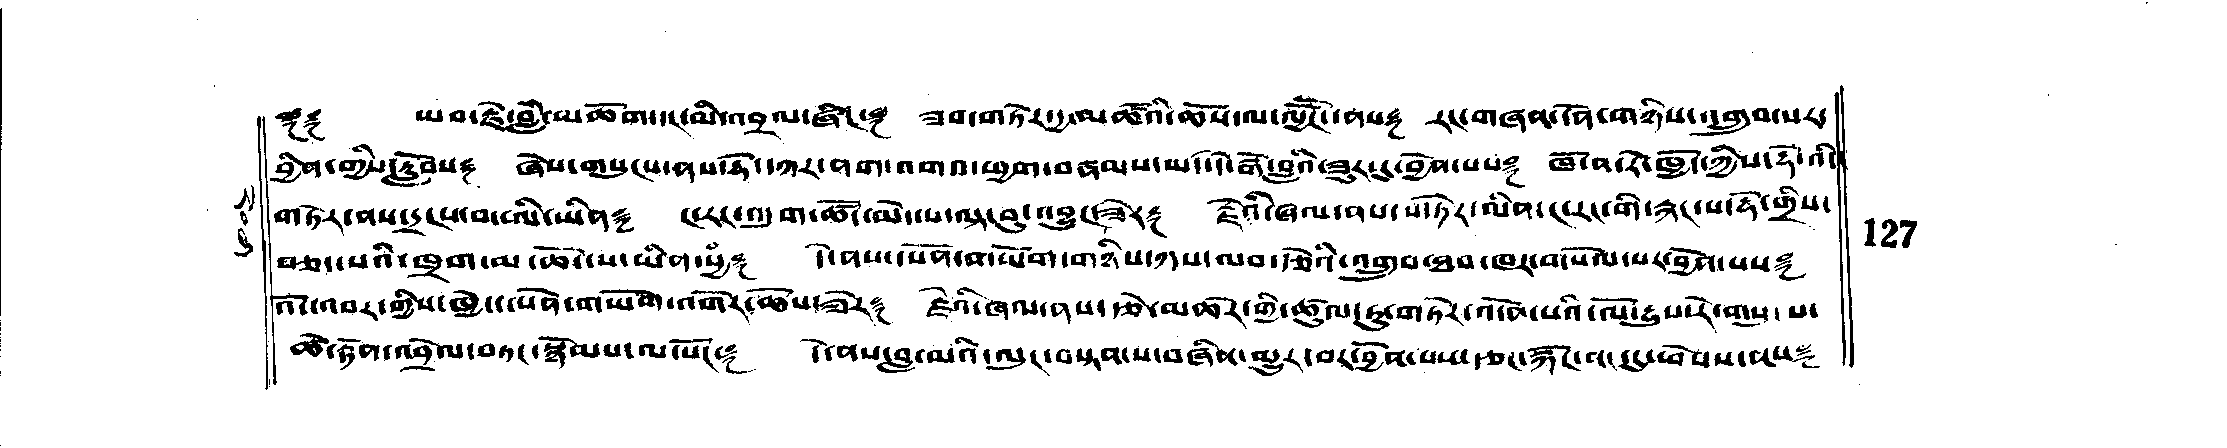།ཡབ་རྗེ་བླ་མ་མཆོག་དང་མི་འབྲལ་ཞིང་། །ཟབ་གཏེར་རྒྱ་མཚོའི་ཆོས་ལ་ལོངས་སྤྱོད་ནས། །རང་གཞན་དོན་གཉིས་འགྲུབ་པར་
བྱིན་གྱིས་རློབས། །ཞེས་གསུངས་ནས་རྡོ་དཀར་ནག་འགའ་ཕྱག་བསྣམས་མཛད་དེ་སྒོ་བླའི་ཟུར་དུ་བྱོན་པས། ཁོ་ན་རེ་ཁྱོད་ཀྱིས་རྡོ་འདི་
གཏེར་ནས་དྲངས་བ་ཨི་ཡིན། ང་རང་འདུག་ཚོད་མེད་པ་ལྟ་བུར་འབྱུང་ཟེར། རྗེའི་ཞལ་ནས་གཏེར་མིན་ང་རང་གི་རྐང་པ་རྡོ་གྲིས་
བཅད་པའི་ཁྲག་མ་ཆོད་པ་ཡིན་གསུང་། དེ་ནས་དཔོན་གཡོག་གཉིས་ཀས་ལབ་རྩེའི་འགྲུབ་ཐབ་ཁར་གསོལ་སར་བྱོན་པས། 
འོད་འབར་གྱིས་ཁྱེད་དཔོན་གཡོག་གོ་ཆོད་ཟེར། རྗེའི་ཞལ་ནས་རྩེད་མཚར་གྱི་ཚུལ་དུ་གཏེར་འདོན་པའི་ལོ་རྒྱུས་རེ་གསུངས་
ཚེ་རྟེན་འབྲེལ་བཏང་སྙོམས་ལ་སོང་། དེ་ནས་བླ་མའི་ལུང་བསྟན་པ་བཞིན་མྱུར་བར་བྱོན་པས་རྩང་སྐོང་ནང་དུ་ཕེབས་ནས།